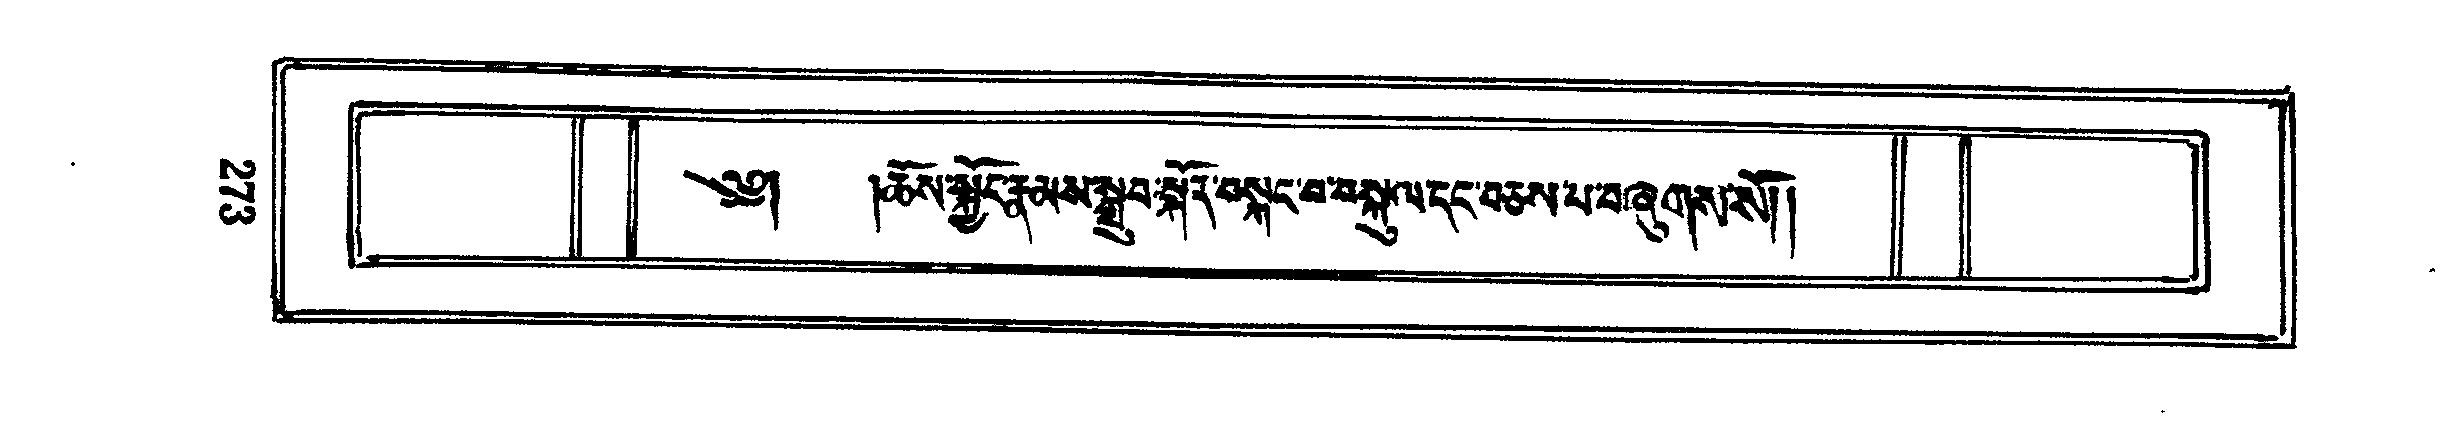༄༅། །ཆོས་སྐྱོང་རྣམས་སྒྲུབ་སྐོར་བསྐང་བ་བསྐུལ་དང་བཅས་པ་བཞུགས་སོ།།